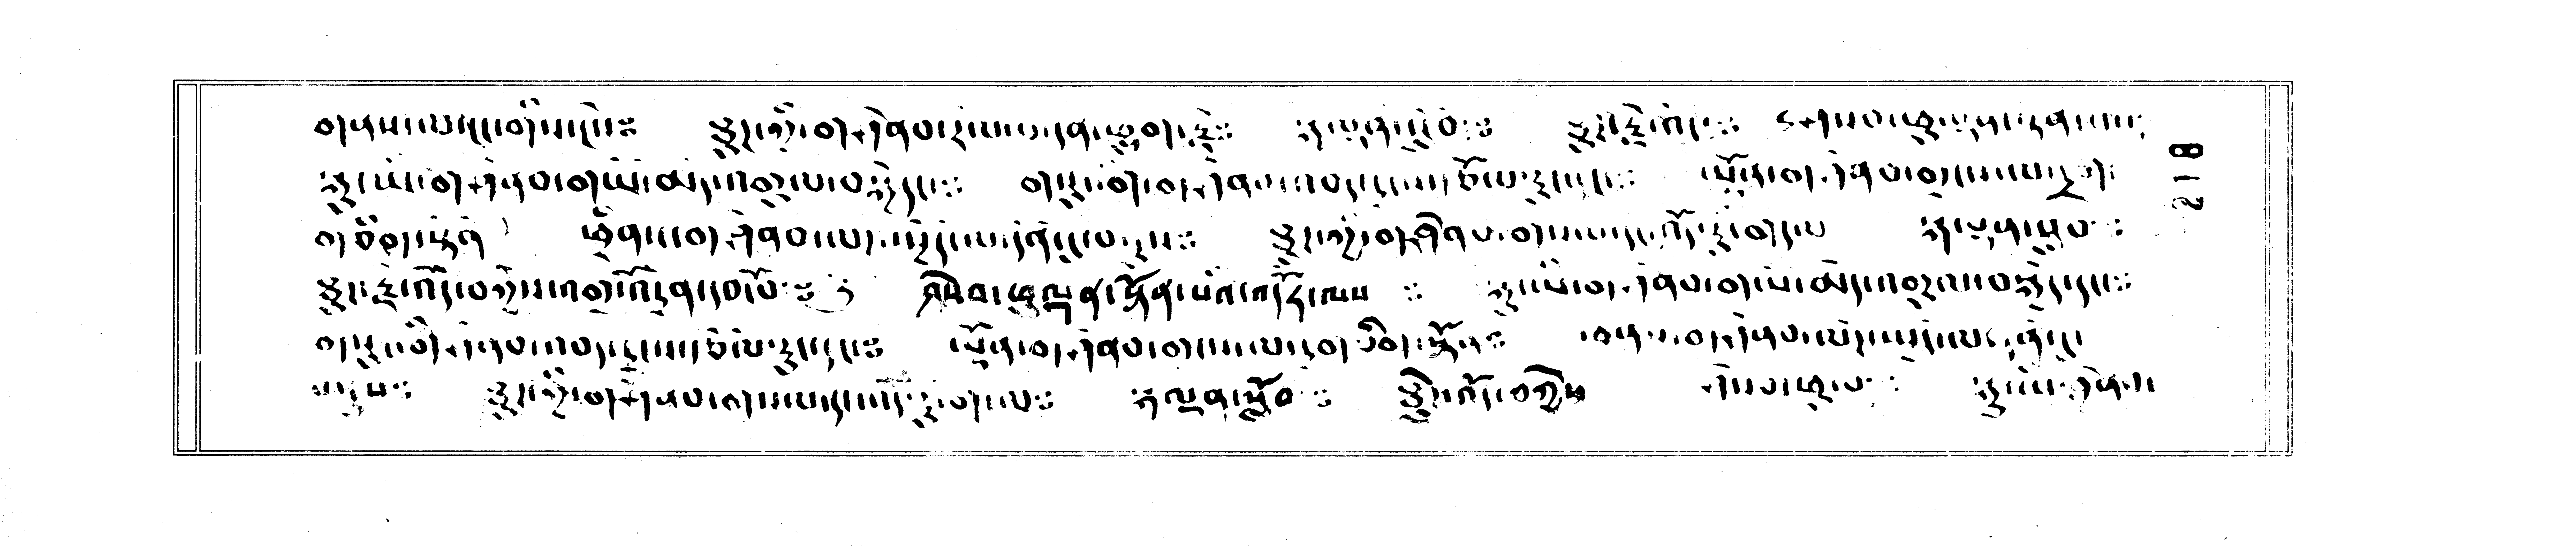གནས་ངང་གིས་ངེསཿ ཐུགས་ཀྱི་གཤེན་རབ་རོལ་པ་དོན་ཕྱུགས་རྗེཿ སྐལ་ལྡན་སློབ་མ་རྣམས་ལ་དབང་བསྐུར་བསཿ ཐུགས་རྗེ་འོད་བཀྱེས་འགྲོ་འདྲེན་དབང་ཐོབ་ཤོགཿ ཤེས་རབ་ཕུལ་ལྡན་སྟོན་པའི་འོད་ཟེར་ལསཿ
 སྐུ་ཡི་གཤེན་རབ་གཡོ་མེད་འགུལ་སྐྱེད་དངཿ གསུང་གི་གཤེན་རབ་འབད་དྲང་རྩོལ་རུང་དངཿ ཡོན་ཏན་གཤེན་རབ་གྲང་ལ་དྲག་
གཅིག་སྟོནཿ ཕྲིན་ལས་གཤེན་རབ་ལེགས་སྤྱོད་དོན་དུ་སྡུདཿ ཐུགས་ཀྱི་གཤེན་རབ་གསལ་དང་འོད་རུམ་བདལཿ སྐལ་ལྡན་སློབ་མ་རྣམས་ལ་དབང་བསྐུར་བསཿ 
ཐུགས་རྗེ་འོད་བཀྱེས་འགྲོ་འདྲེན་དབང་ཐོབ་ཤོགཿ ཤེས་རབ་ཕུལ་ལྡན་སྟོན་པའི་འོད་ཟེར་ལསཿ སྐུ་ཡི་གཤེན་རབ་